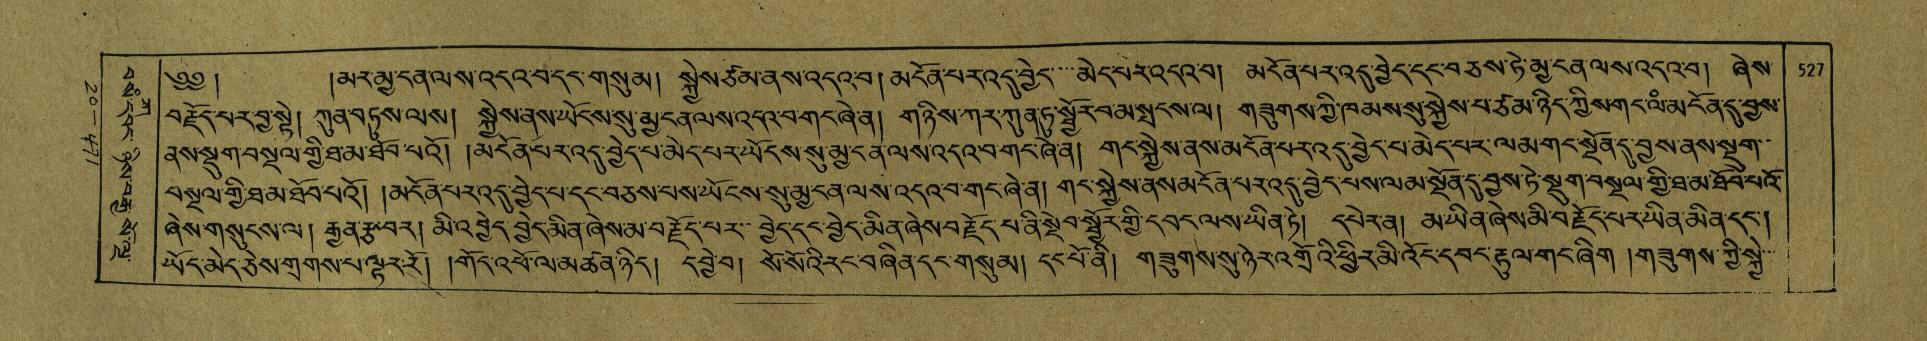༄༅། །མར་མྱ་ངན་ལས་འདའ་བ་དང་གསུམ། སྐྱེས་ཙམ་ནས་འདའ་བ། མངོན་པར་འདུ་བྱེད་མེད་པར་འདའ་བ། མངོན་པར་འདུ་བྱེད་དང་བཅས་ཏེ་མྱ་ངན་ལས་འདའ་བ། ཞེས་
བརྗོད་པར་བྱ་སྟེ། ཀུན་བཏུས་ལས། སྐྱེས་ནས་ཡོངས་སུ་མྱ་ངན་ལས་འདའ་བ་གང་ཞེ་ན། གཉིས་ཀར་ཀུན་ཏུ་སྦྱོར་བ་མ་སྤངས་ལ། གཟུགས་ཀྱི་ཁམས་སུ་སྐྱེས་པ་ཙམ་ཉིད་ཀྱིས་གང་ལམ་མངོན་དུ་བྱས་
ནས་སྡུག་བསྔལ་གྱི་ཐ་མ་ཐོབ་པའོ། །མངོན་པར་འདུ་བྱེད་པ་མེད་པར་ཡོངས་སུ་མྱ་ངན་ལས་འདའ་བ་གང་ཞེ་ན། གང་སྐྱེས་ནས་མངོན་པར་འདུ་བྱེད་པ་མེད་པར་ལམ་གང་སྔོན་དུ་བྱས་ནས་སྡུག་
བསྔལ་གྱི་ཐ་མ་ཐོབ་པའོ། །མངོན་པར་འདུ་བྱེད་པ་དང་བཅས་པས་ཡོངས་སུ་མྱ་ངན་ལས་འདའ་བ་གང་ཞེ་ན། གང་སྐྱེས་ནས་མངོན་པར་འདུ་བྱེད་པས་ལམ་སྔོན་དུ་བྱས་ཏེ་སྡུག་བསྔལ་གྱི་ཐ་མ་ཐོབ་པའོ་
ཞེས་གསུངས་ལ། རྒྱན་རྩ་བར། མི་འབྱེད་བྱེད་མིན་ཞེས་མ་བརྗོད་པར་བྱེད་དང་བྱེད་མིན་ཞེས་བརྗོད་པ་ནི་སྡེ་བ་སྦྱོར་གྱི་དབང་ལས་ཡིན་ཏེ། དཔེར་ན། མ་ཡིན་ཞེས་མི་བརྗོད་པར་ཡིན་མིན་དང་།
ཡོད་མེད་ཅེས་གྲགས་པ་ལྟར་རོ། །གོད་འཕོ་ལ་མཚན་ཉིད། དབྱེ་བ། སོ་སོའི་རང་བཞིན་དང་གསུམ། དང་པོ་ནི། གཟུགས་སུ་ཉེར་འགྲོའི་ཕྱིར་མི་འོང་དབང་རྟུལ་གང་ཞིག །གཟུགས་ཀྱི་སྐྱེ་